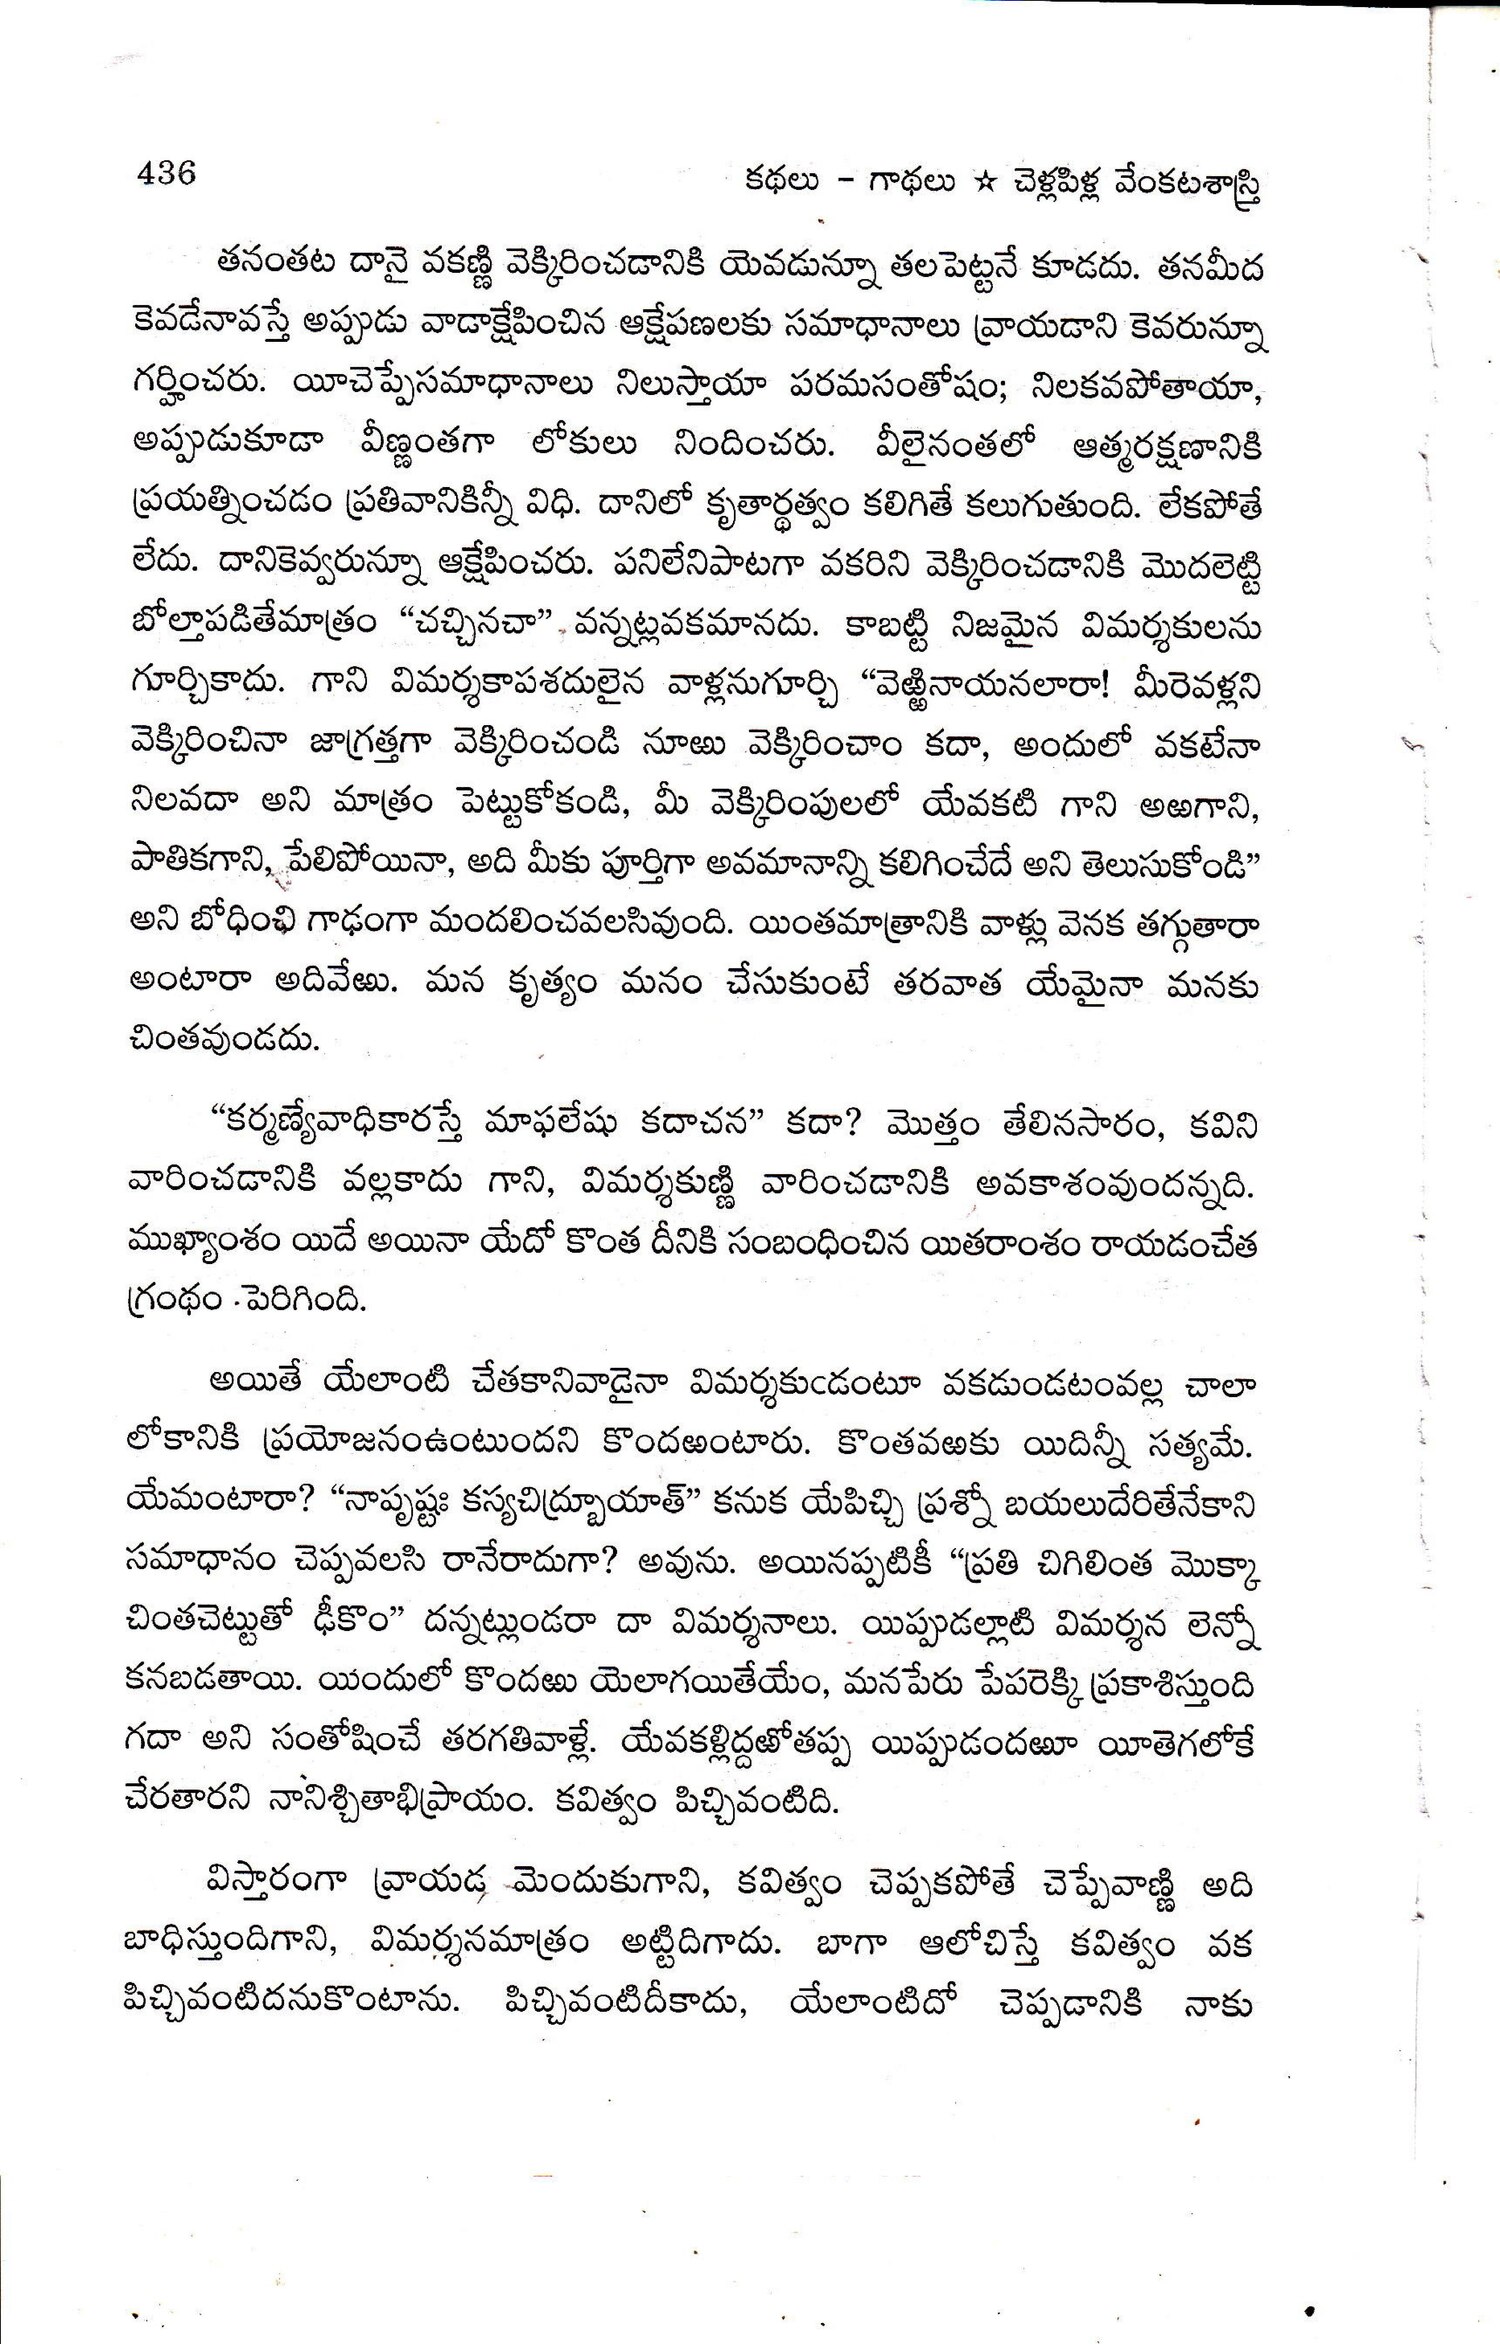తనంతట దానై వకణ్ణి వెక్కిరించడానికి యెవడున్నూ తలపెట్టనే కూడదు. తనమీద కెవడేనావస్తే అప్పుడు వాడాక్షేపించిన ఆక్షేపణలకు సమాధానాలు వ్రాయడాని కెవరున్నూ గర్హించరు. యీచెప్పేసమాధానాలు నిలుస్తాయా పరమసంతోషం; నిలకవషోతాయా, అప్పుడుకూడా వీణ్ణంతగా లోకులు నిందించరు. వీలైనంతలో ఆత్మరక్షణానికి ప్రయత్నించడం ప్రతివానికిన్నీ విధి. దానిలో కృతార్థత్వం కలిగితే కలుగుతుంది. లేకపోతే లేదు. దానికెవ్వరున్నూ ఆక్షేపించరు. పనిలేనిపాటగా వకరిని వెక్కిరించడానికి మొదలెట్టి బోల్తాపడితేమాత్రం "చచ్చినచా”. వన్నట్లవకమానదు. కాబట్టి నిజమైన విమర్శకులను గూర్చికాదు. గాని విమర్శకాపశదులైన వాళ్లనుగూర్చి "వెఱ్ఱినాయనలారా! మీరెవళ్లని వెక్కిరించినా జాగ్రత్తగా వెక్కిరించండి నూఱు వెక్కిరించాం కదా, అందులో వకటేనా నిలవదా అని మాత్రం పెట్టుకోకండి, మీ వెక్కిరింపులలో యేవకటి గాని అఱగాని, పాతికగాని, పేలిపోయినా, అది మీకు పూర్తిగా అవమానాన్ని కలిగించేదే అని తెలుసుకోండి" అని బోధింఛి గాఢంగా మందలించవలసివుంది. యింతమాత్రానికి వాళ్లు వెనక తగ్గుతారా అంటారా అదివేఱు. మన కృత్యం మనం చేసుకుంటే తరవాత యేమైనా మనకు చింతవుండదు.

“కర్మణ్యేవాధికారస్తే మాఫలేషు కదాచన” కదా? మొత్తం తేలినసారం, కవిని వారించడానికి వల్లకాదు గాని, విమర్శకుణ్ణి వారించడానికి అవకాశంవుందన్నది. ముఖ్యాంశం యిదే అయినా యేదో కొంత దీనికి సంబంధించిన యితరాంశం రాయడంచేత గ్రంథం పెరిగింది. -

అయితే యేలాంటి చేతకానివాడైనా విమర్శకుఁడంటూ వకడుండటంవల్ల చాలా లోకానికి ప్రయోజనంఉంటుందని కొందఱంటారు. కొంతవఱకు యిదిన్నీ సత్యమే. యేమంటారా? “నాపృష్టః కస్యచిద్ర్భూయాత్" కనుక యేపిచ్చి ప్రశ్నో బయలుదేరితేనేకాని సమాధానం చెప్పవలసి రానేరాదుగా? అవును. అయినప్పటికీ “ప్రతి చిగిలింత మొక్కా చింతచెట్టుతో ఢీకొం" దన్నట్లుండరా దా విమర్శనాలు. యిప్పుడల్లాటి విమర్శన లెన్నో కనబడతాయి. యిందులో కొందఱు యెలాగయితేయేం, మన పేరు పేపరెక్కి ప్రకాశిస్తుంది గదా అని సంతోషించే తరగతివాళ్లే. యేవకళ్లిద్దఱోతప్ప యిప్పుడందఱూ యీతెగలోకే చేరతారని నానిశ్చితాభిప్రాయం. కవిత్వం పిచ్చివంటిది.

విస్తారంగా వ్రాయడ మెందుకుగాని, కవిత్వం చెప్పకపోతే చెప్పేవాణ్ణి అది బాధిస్తుందిగాని, విమర్శనమాత్రం అట్టిదిగాదు. బాగా ఆలోచిస్తే కవిత్వం వక పిచ్చివంటిదనుకొంటాను. పిచ్చివంటిదీకాదు, యేలాంటిదో చెప్పడానికి నాకు